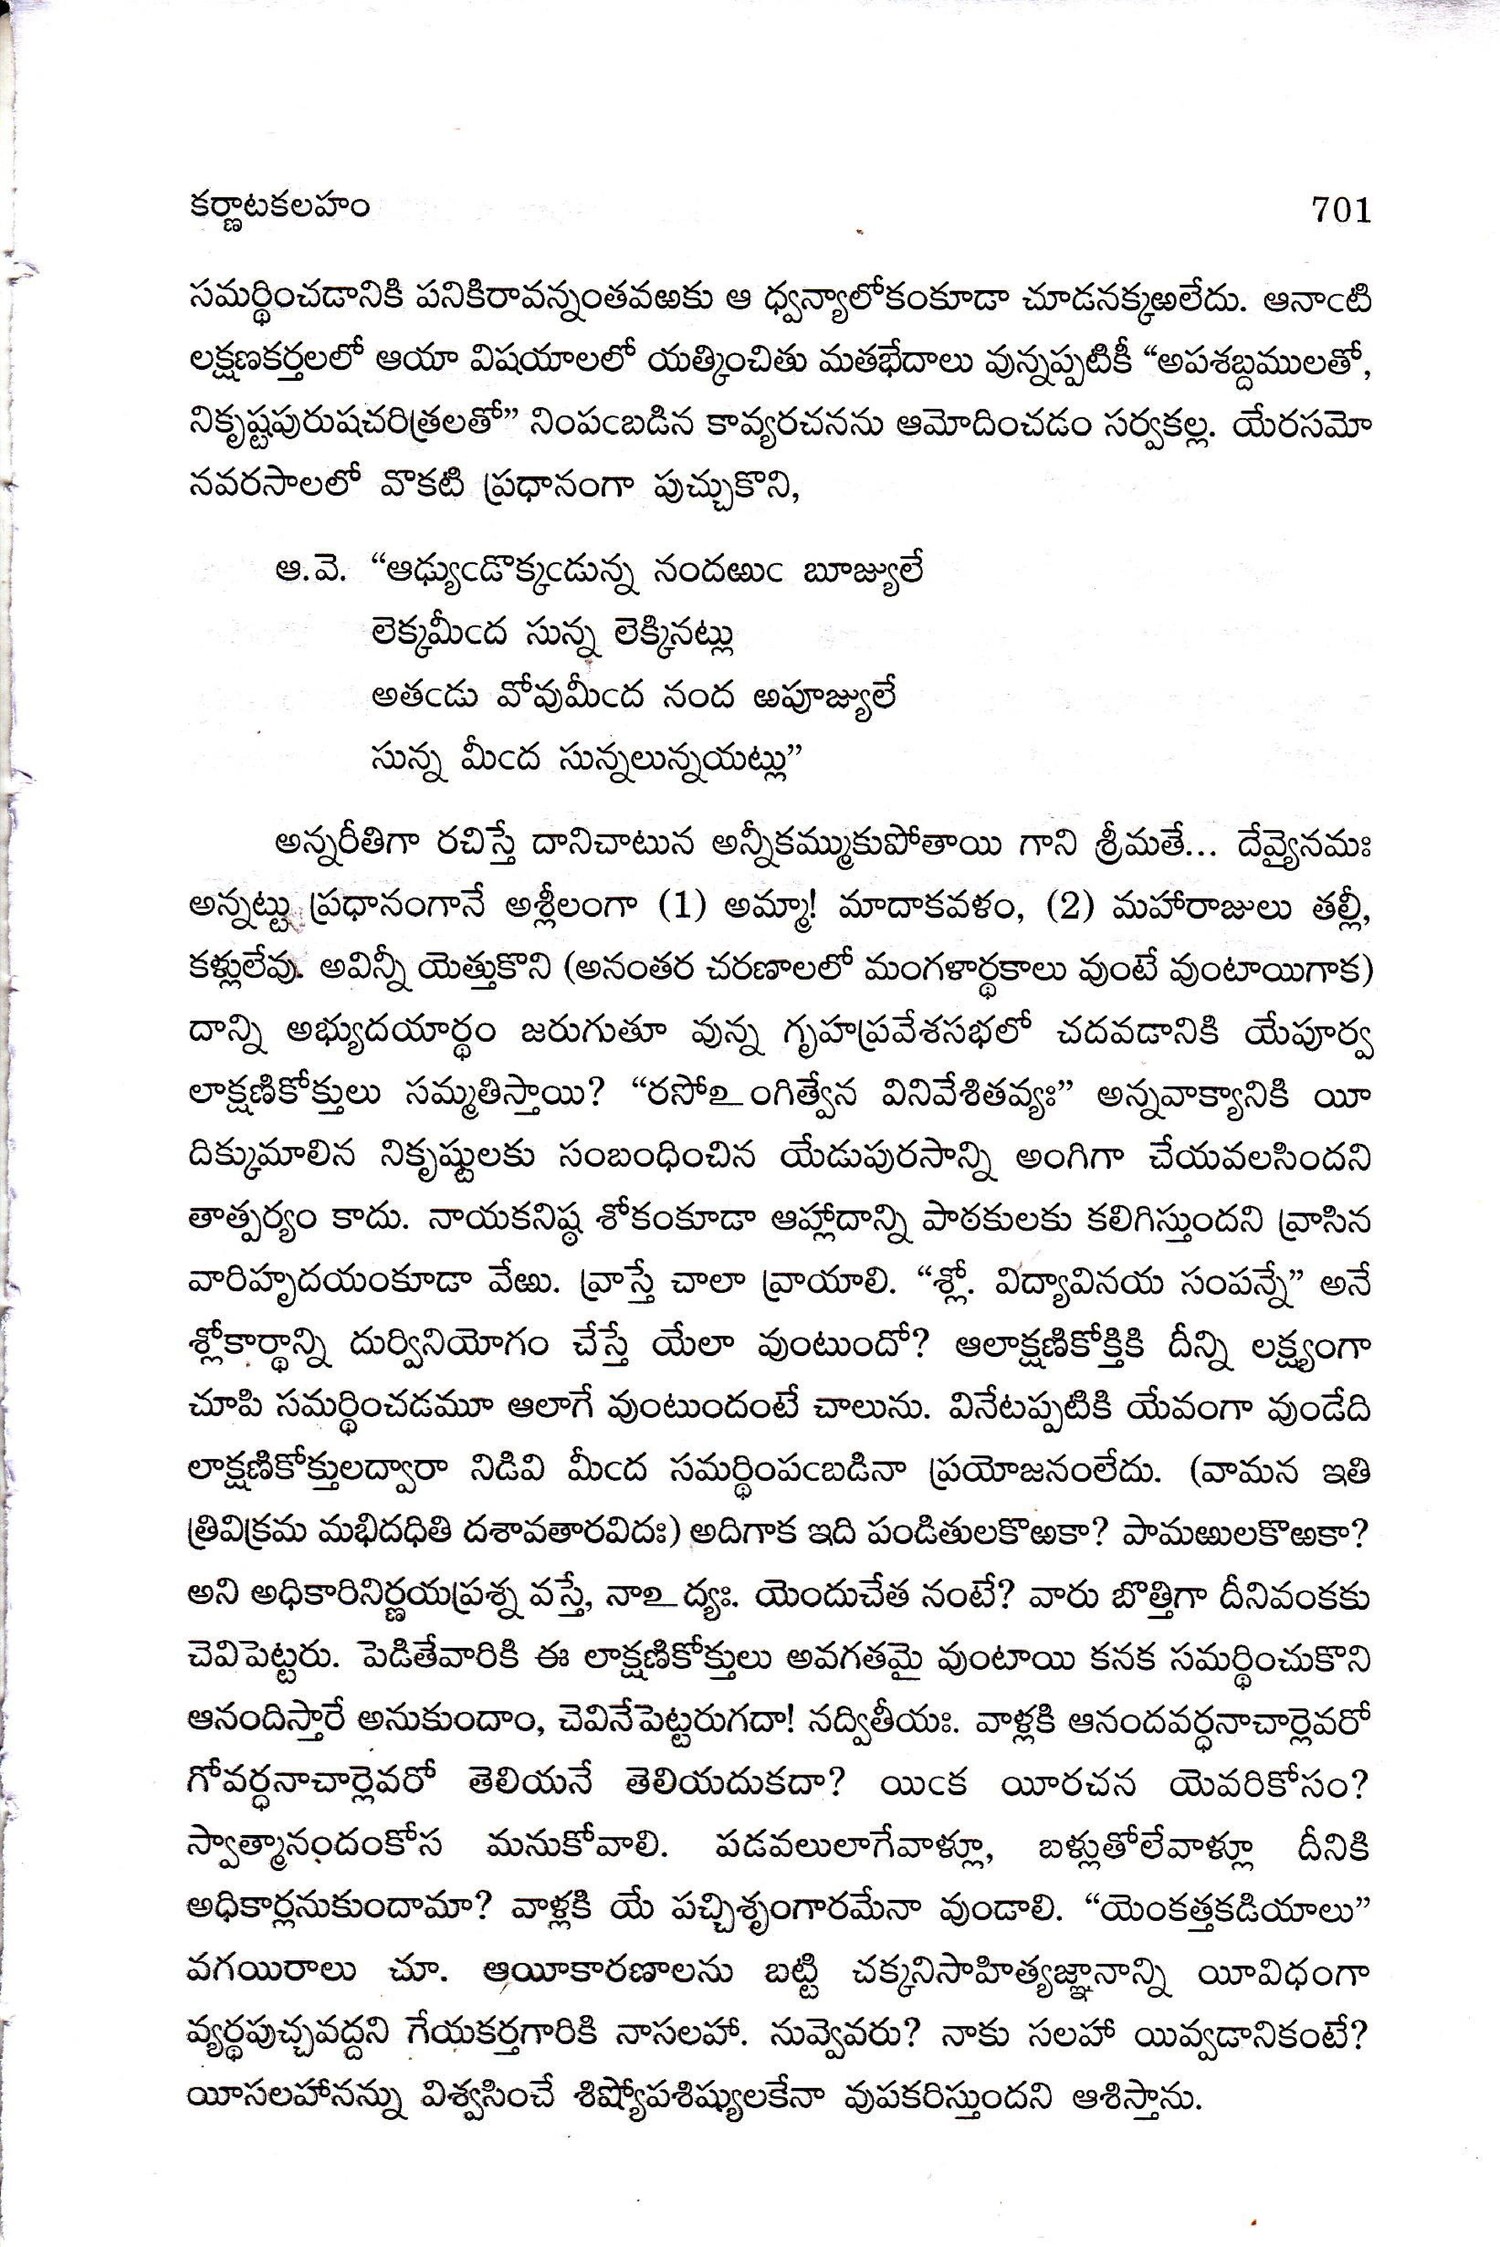సమర్థించడానికి పనికిరావన్నంతవఱకు ఆ ధ్వన్యాలోకంకూడా చూడనక్కఱలేదు. ఆనాఁటి లక్షణకర్తలలో ఆయా విషయాలలో యత్కించితు మతభేదాలు వున్నప్పటికీ "అపశబ్దములతో, నికృష్టపురుషచరిత్రలతో" నింపఁబడిన కావ్యరచనను ఆమోదించడం సర్వకల్ల. యేరసమో నవరసాలలో వొకటి ప్రధానంగా పుచ్చుకొని,

ఆ.వె. “ఆఢ్యుఁడొక్కఁడున్న నందఱుఁ బూజ్యులే
 లెక్కమీఁద సున్న లెక్కినట్లు 
 అతఁడు వోవుమీఁద నంద ఱపూజ్యులే 
 సున్న మీఁద సున్నలున్నయట్లు"
అన్నరీతిగా రచిస్తే దానిచాటున అన్నీకమ్ముకుపోతాయి గాని శ్రీమతే... దేవ్యైనమః అన్నట్టు ప్రధానంగానే అశ్లీలంగా (1) అమ్మా! మాదాకవళం, (2) మహారాజులు తల్లీ, కళ్లలేవు. అవిన్నీ యెత్తుకొని (అనంతర చరణాలలో మంగళార్థకాలు వుంటే వుంటాయిగాక) దాన్ని అభ్యుదయార్థం జరుగుతూ వున్న గృహప్రవేశసభలో చదవడానికి యేపూర్వ లాక్షణికోక్తులు సమ్మతిస్తాయి? “రసో౽_ంగిత్వేన వినివేశితవ్యః" అన్నవాక్యానికి యీ దిక్కుమాలిన నికృష్టులకు సంబంధించిన యేడుపురసాన్ని అంగిగా చేయవలసిందని తాత్పర్యం కాదు. నాయకనిష్ఠ శోకంకూడా ఆహ్లాదాన్ని పాఠకులకు కలిగిస్తుందని వ్రాసిన వారిహృదయంకూడా వేఱు. వ్రాస్తే చాలా వ్రాయాలి. “శ్లో విద్యావినయ సంపన్నే" అనే శ్లోకార్ధాన్ని దుర్వినియోగం చేస్తే యేలా వుంటుందో? ఆలాక్షణికోక్తికి దీన్ని లక్ష్యంగా చూపి సమర్థించడమూ ఆలాగే వుంటుందంటే చాలును. వినేటప్పటికి యేవంగా వుండేది లాక్షణికోక్తులద్వారా నిడివి మీఁద సమర్ధింపఁబడినా ప్రయోజనంలేదు. (వామన ఇతి త్రివిక్రమ మభిదధితి దశావతారవిదః) అదిగాక ఇది పండితులకొఱకా? పామఱులకొఱకా? అని అధికారినిర్ణయప్రశ్న వస్తే, నా౽ద్యః. యెందుచేత నంటే? వారు బొత్తిగా దీనివంకకు చెవిపెట్టరు. పెడితేవారికి ఈ లాక్షణికోక్తులు అవగతమై వుంటాయి కనక సమర్థించుకొని ఆనందిస్తారే అనుకుందాం, చెవినేపెట్టరుగదా! నద్వితీయః. వాళ్లకి ఆనందవర్ధనాచార్లెవరో గోవర్ధనాచార్లెవరో తెలియనే తెలియదుకదా? యిఁక యీరచన యెవరికోసం? స్వాత్మానందంకోస మనుకోవాలి. పడవలులాగేవాళ్లూ, బళ్లుతోలేవాళ్లూ దీనికి అధికార్లనుకుందామా? వాళ్లకి యే పచ్చిశృంగారమేనా వుండాలి. "యెంకత్తకడియాలు" వగయిరాలు చూ. ఆయీకారణాలను బట్టి చక్కనిసాహిత్యజ్ఞానాన్ని యీవిధంగా వ్యర్థపుచ్చవద్దని గేయకర్తగారికి నాసలహా. నువ్వెవరు? నాకు సలహా యివ్వడానికంటే? యీసలహానన్ను విశ్వసించే శిష్యోపశిష్యులకేనా వుపకరిస్తుందని ఆశిస్తాను.